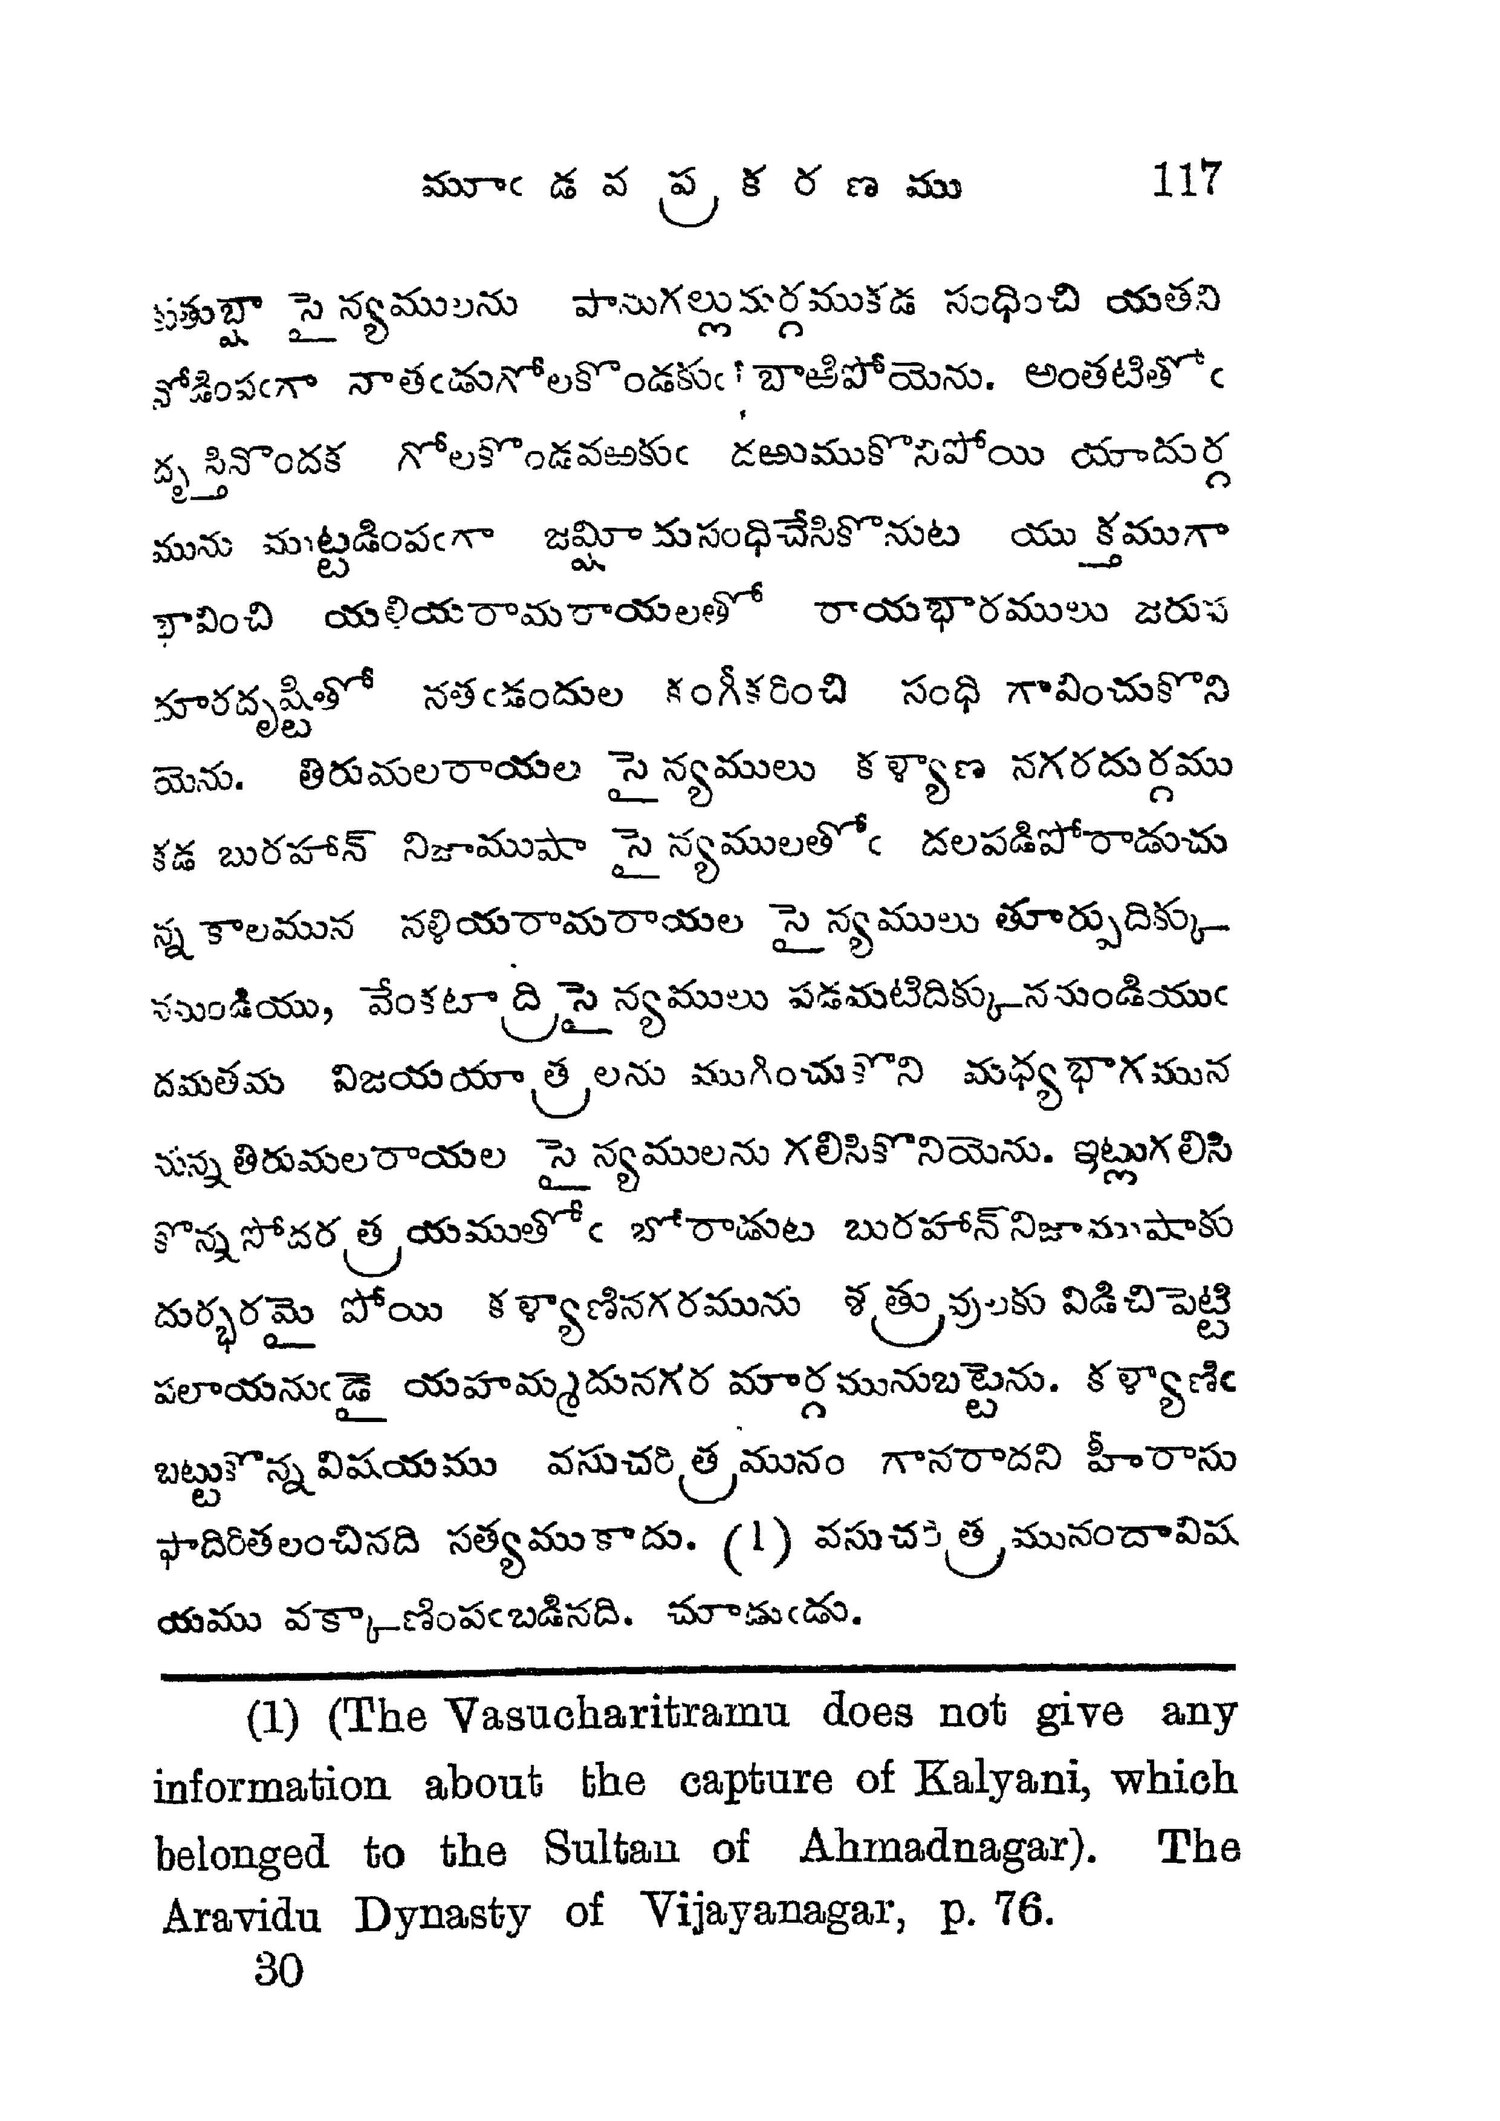కుతుబ్షా సైన్యములను పానుగల్లుదుర్గముకడ సంధించి యతని నోడింపగా నాతడుగోలకొండకు బాఱిపోయెను. అంతటితో దృప్తినొందక గోలకొండవఱకు దఱుముకొనిపోయి యాదుర్గమును ముట్టడింపగా జమ్షీదుసంధిచేసికొనుట యుక్తముగా భావించి యళియరామరాయలతో రాయభారములు జరుప దూరదృష్టితో నతడందుల కంగీకరించి సంధి గావించుకొనియెను. తిరుమలరాయల సైన్యములు కళ్యాణ నగరదుర్గముకడ బురహాన్ నిజాముషా సైన్యములతో దలపడిపోరాడుచున్న కాలమున నళియరామరాయల సైన్యములు తూర్పుదిక్కుననుండియు, వేంకటాద్రిసైన్యములు పడమటిదిక్కున నుండియు దమతమ విజయయాత్రలను ముగించుకొని మధ్యభాగమున నున్న తిరుమలరాయల సైన్యములను గలిసికొనియెను. ఇట్లుగలిసికొన్న సోదరత్రయముతో బోరాడుట బురహాన్ నిజాముషాకు దుర్భరమై పోయి కళ్యాణినగరమును శత్రువులకు విడిచిపెట్టి పలాయనుడై యహమ్మదునగర మార్గమునుబట్టెను. కళ్యాణి బట్టుకొన్నవిషయము వసుచరిత్రమునం గానరాదని హీరాసుఫాదిరి తలంచినది సత్యముకాదు.వసుచరిత్రమునందా విషయము వక్కాణింపబడినది. చూడుడు.